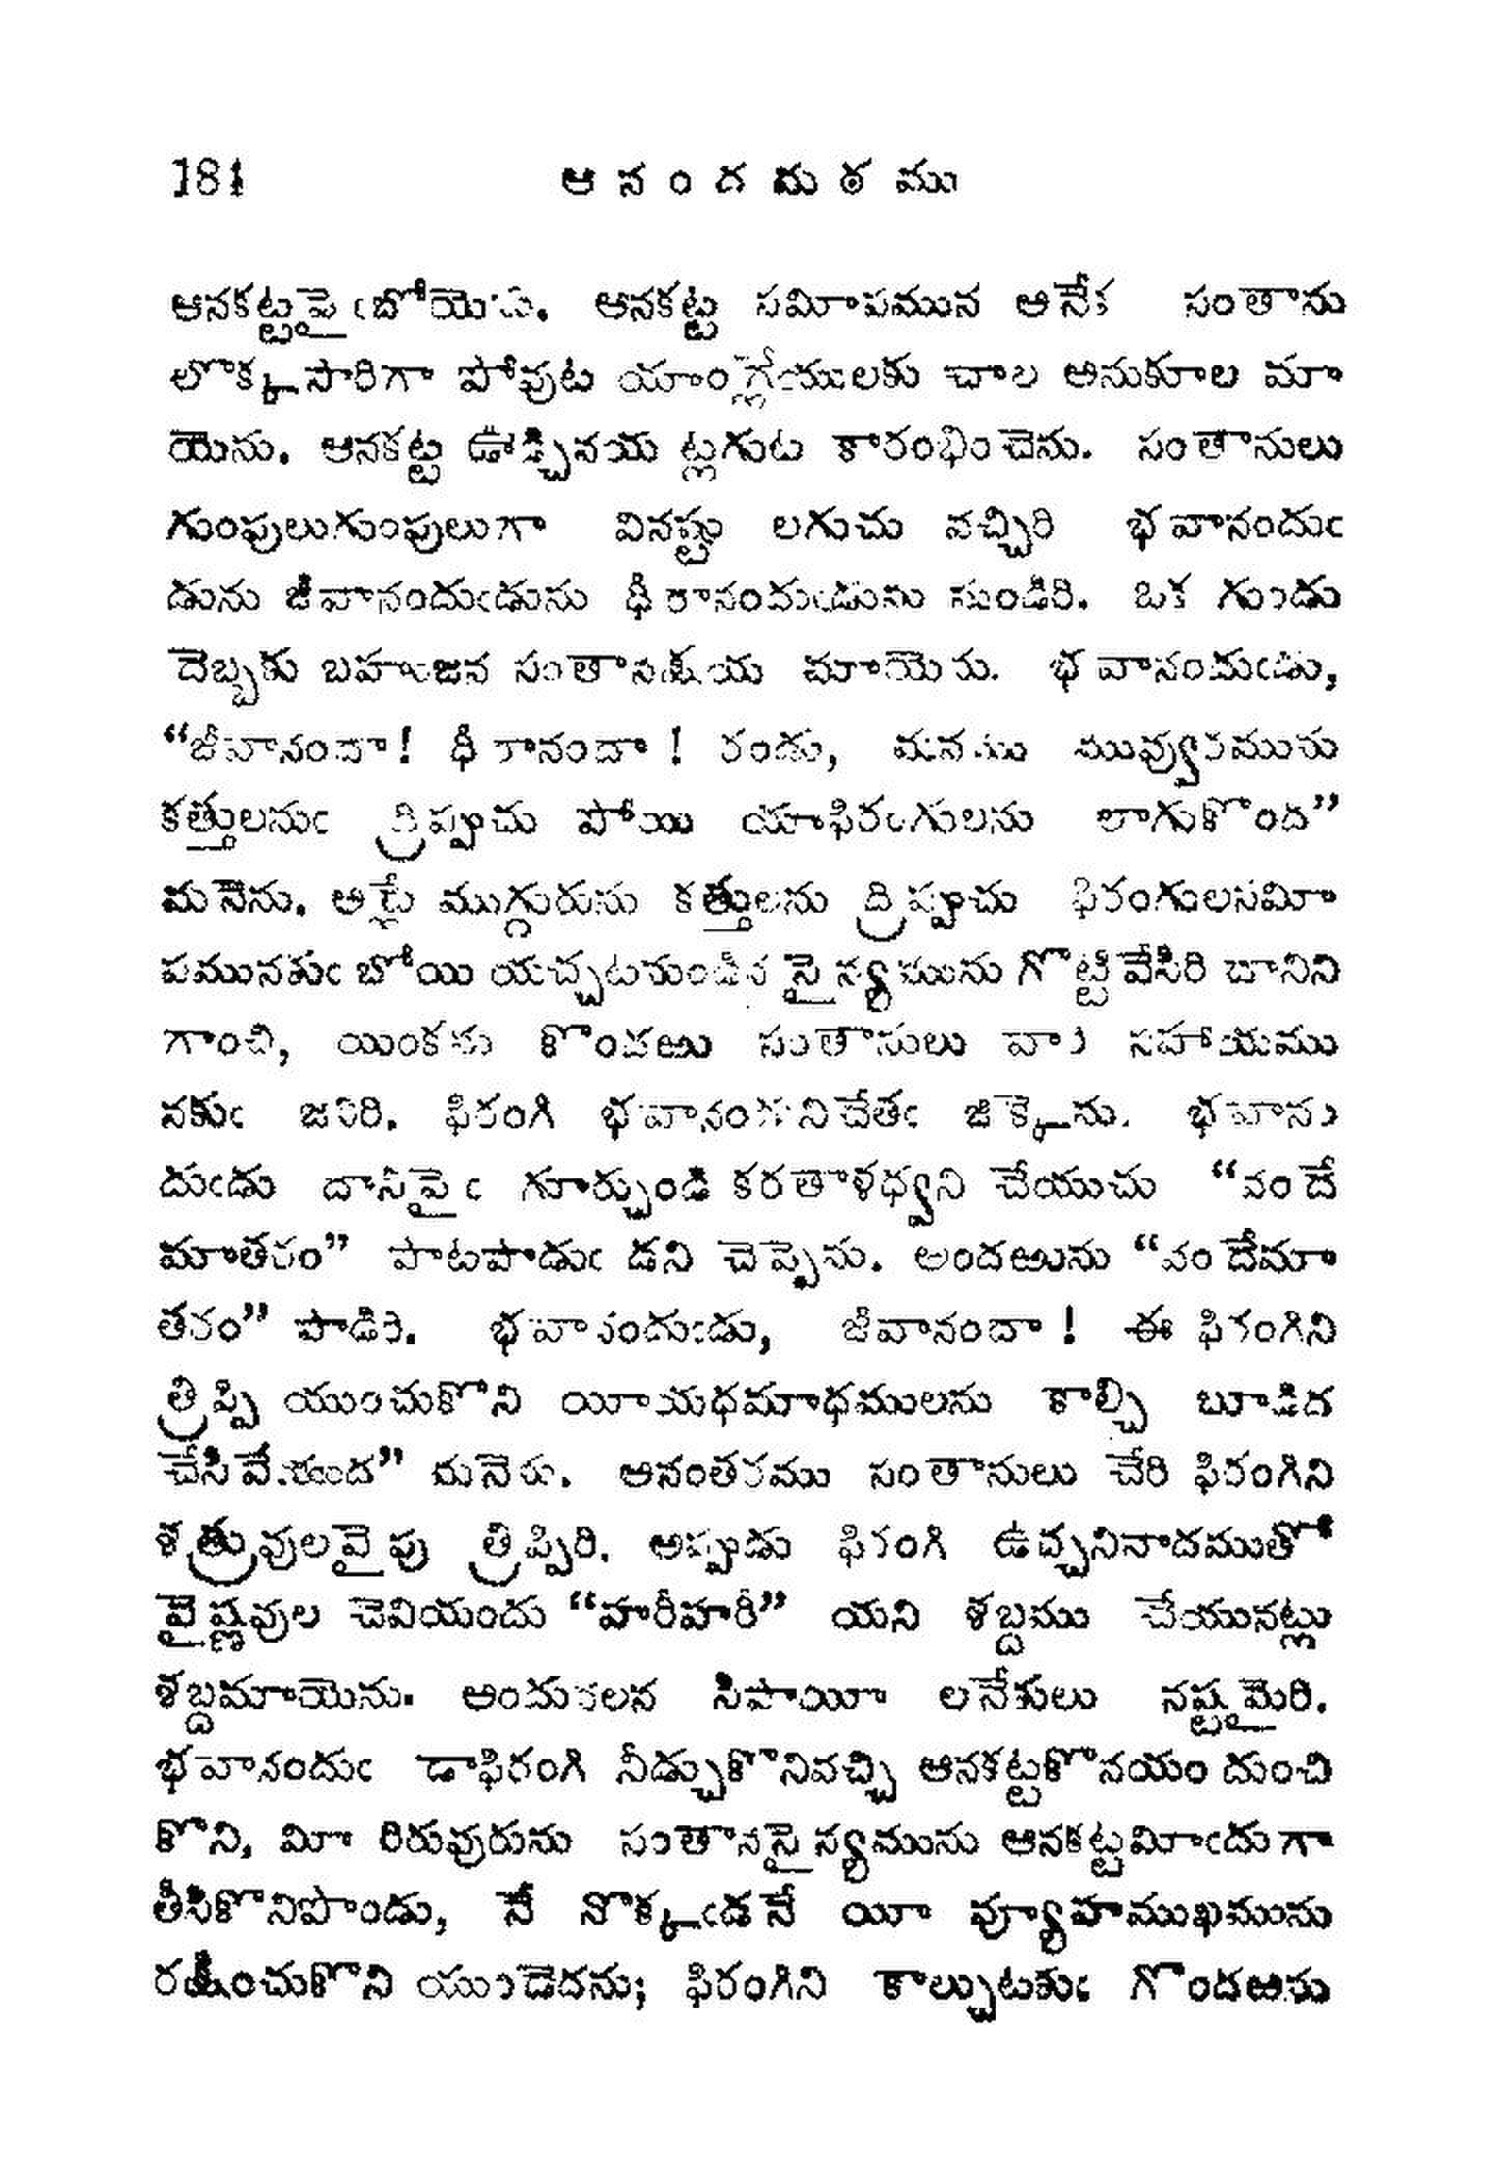ఆనకట్టపైఁ బోయెను. ఆనకట్ట సమీపమున అనేక సంతాను లొక్కసారిగా పోవుట యాంగ్లేయులకు చాల అనుకూల మా
యెను. ఆనకట్ట ఊడ్చినయ ట్లగుట కారంభించెను. సంతానులు గుంపులు గుంపులుగా వినష్టు లగుచు వచ్చిరి భవానందుఁ
డును జీవానందుఁడును ధీరానందుడును నుండిరి. ఒక గుండు దెబ్బకు బహుజన సంతానక్షయ మాయెను. భవానందుఁడు,
“జీవానందా! ధీరానందా ! రండు, మనము మువ్వురమును కత్తులనుఁ ద్రిప్పుచు పోయి యాఫిరంగులను లాగుకొంది”
మనెను. అట్లే ముగ్గురును కత్తులను ద్రిప్పుచు ఫిరంగులసమీపమునకుఁ బోయి యచ్చటనుండిన సైన్యమును గొట్టి వేసిరి. దానిని గాంచి, యింకను కొందఱు సంతానులు వారి సహాయమునకు జనిరి, ఫిరంగి భవానందుని చేతఁ జిక్కెను. భవానం
దుఁడు దానిపైఁ గూర్చుండి కరతాళధ్వని చేయుచు “వందేమాతరం” పొటపాడుఁ డని చెప్పెను. అందఱును “వందేమాతరం" పాడిరి. భవానందుఁడు, జీవానందా! ఈ ఫిరంగిని త్రిప్పి యుంచుకోని యీయధమాధములను కాల్చి బూడిద చేసి వేయుద" మనెను. అనంతరము సంతానులు చేరి ఫిరంగిని శత్రువులవైపు త్రిప్పిరి, అప్పుడు ఫిరంగి ఉచ్చనినాదముతో వైష్ణవుల చెవియందు “హరీహరీ” యని శబ్దము చేయునట్లు శబ్దమాయెను. అందు వలన సిపాయీ లనేకులు నష్టమైరి. భవానందుఁ డాఫిరంగి నీడ్చుకొనివచ్చి ఆనకట్టకొనయందుంచి కొని, మీ రిరువురును సంతాన సైన్యమును ఆనకట్ట మీఁదుగా తీసికొనిపొండు, నే నొక్కఁడనే యీ వ్యూహముఖమును రక్షించుకొని యుండెదను; ఫిరంగిని కాల్చుటకుఁ గొందఱను